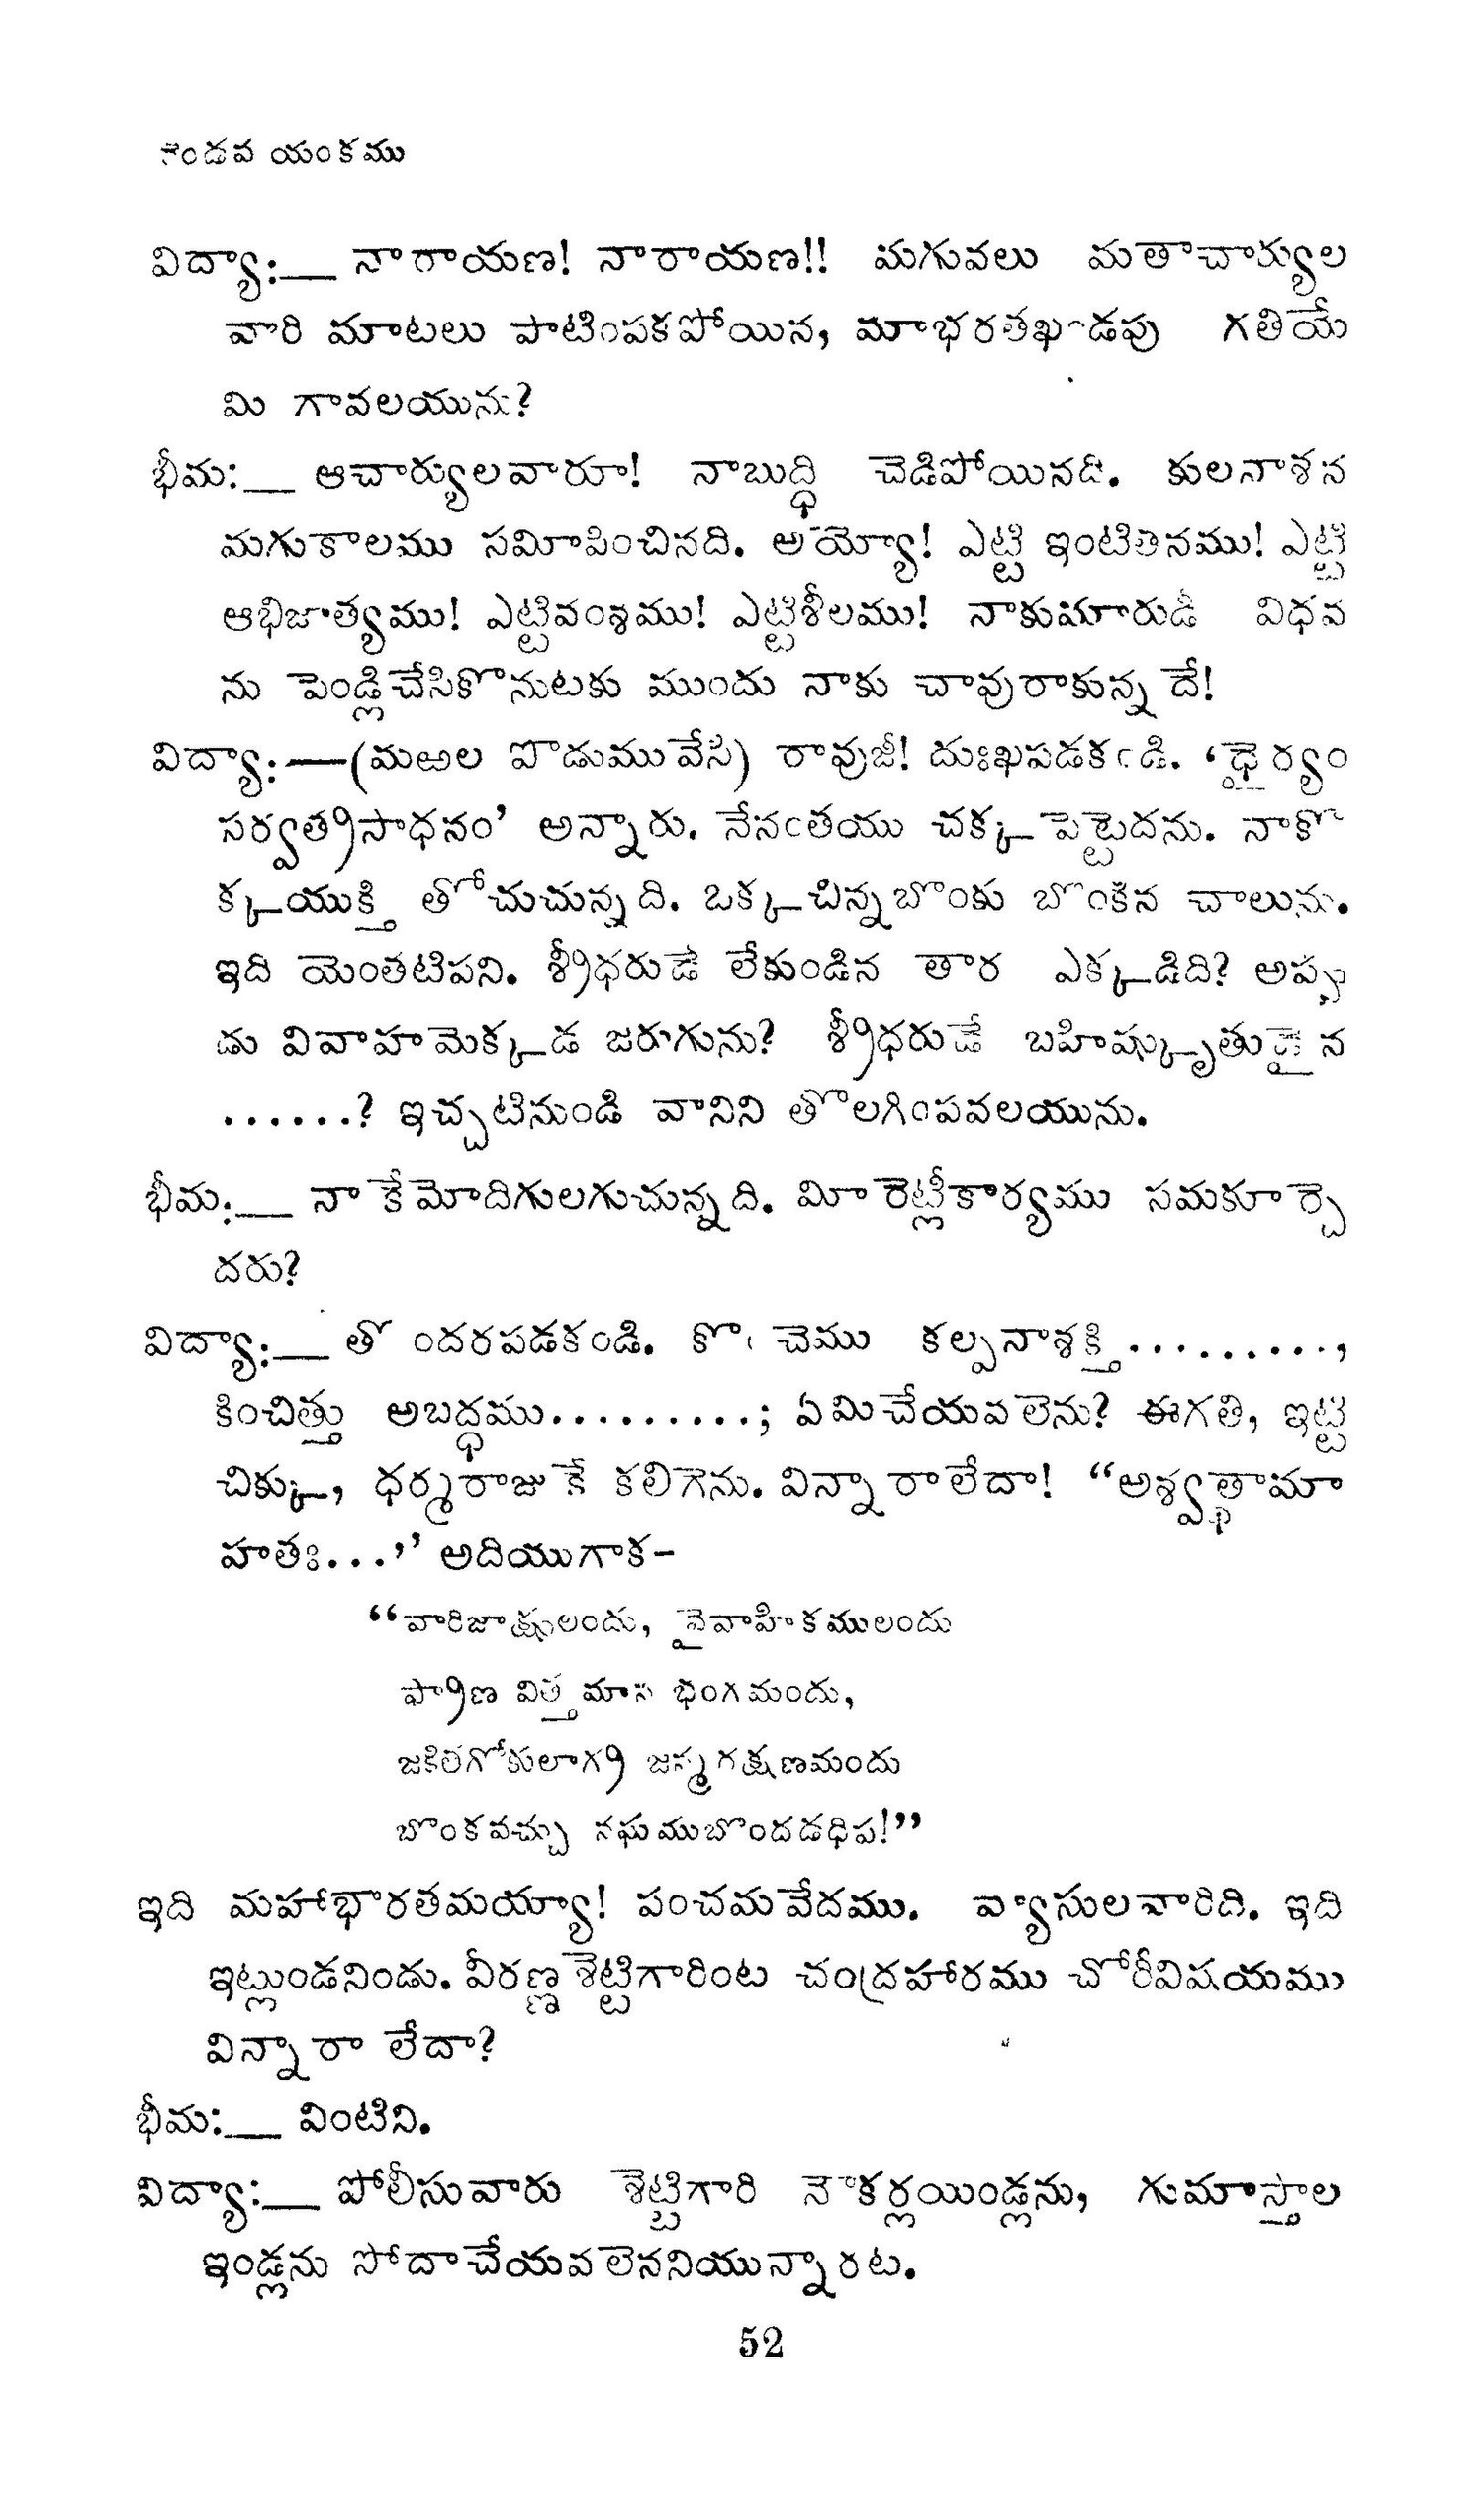{
విద్యా:-నారాయణ! నారాయణ!! మగువలు మతాచార్యుల వారి మాటలు పాటింపకపోయిన, మా భరత ఖండపు గతియేమి గావలయును?

భీమ:-ఆచార్యులవారూ! నాబుద్ది చెడిపోయినది. కుల నాశనమగు కాలము సమీపించినది. అయ్యో! ఎట్టి ఇంటితనము! ఎట్టిఅభిజాత్యము! ఎట్టివంశము! ఎట్టి శీలము నాకుమారుడి విధవను పెండ్లిచేసి కొనుటకు ముందు నాకు చావురాకున్నదే!

విద్యా:-(మఱల పొడుమువేసి) రావుజీ! దు:ఖపడకండి. 'ధైర్యం సర్వత్ర సాధనం ' అన్నారు. నేనంతయు చక్కబెట్టెదను. నాకొక్కయుక్తి తోచుచున్నది. ఒక చిన్న బొంకుబొంకిన చాలును. ఇది యెంతటిపని. శ్రీధరుడే లేకుండిన తారేక్కడిది? అప్పుడు వివాహమెక్కడ జరుగును? శ్రీధరుడే బహిస్కృతుడైన ......? ఇచ్చటినుండి వానిని తొలగింప వలయును. 

భీమ;-నాకేమోదిగులుగ నున్నది. మీరెట్లీకార్యము సమకూర్చిదరు?

విద్యా:-తొందరపడకండి. కొంచెము కల్పనాశక్తి.... ... కించిత్తు అబద్దము...; ఏమిచేయవలెను? ఈగతి , ఇట్టిచిక్కు, ధర్మరాజుకే కలిగెను. విన్నారాలేదా! "అశ్వద్ధామా హత:....." అదియుగాక- 

 "వారిజాక్షములందు, వైవాహికములందు
 ప్రాణ విస్తమాన భంగమందు.
 జకిరిగోకులాగ్ర జన్మరక్షణమందు
 బొంకవచ్చు నఘముబొందడధిప!"

ఇది మహాభారతమయ్యా! పంచమవేదము. వ్యాసుల వారిది. ఇది ఇట్లుండనిండు. వీరణ్ణశెట్టిగారింట చంద్రహారము చోరీవిషయము విన్నారా లేదా?

భీమ:- వింటిని
 
విద్యా:-పోలీసువారు శెట్టిగారి నౌకర్లయిండ్లను, గుమాస్తాల ఇండ్లను సోదాచేయవలెనని యున్నారట.